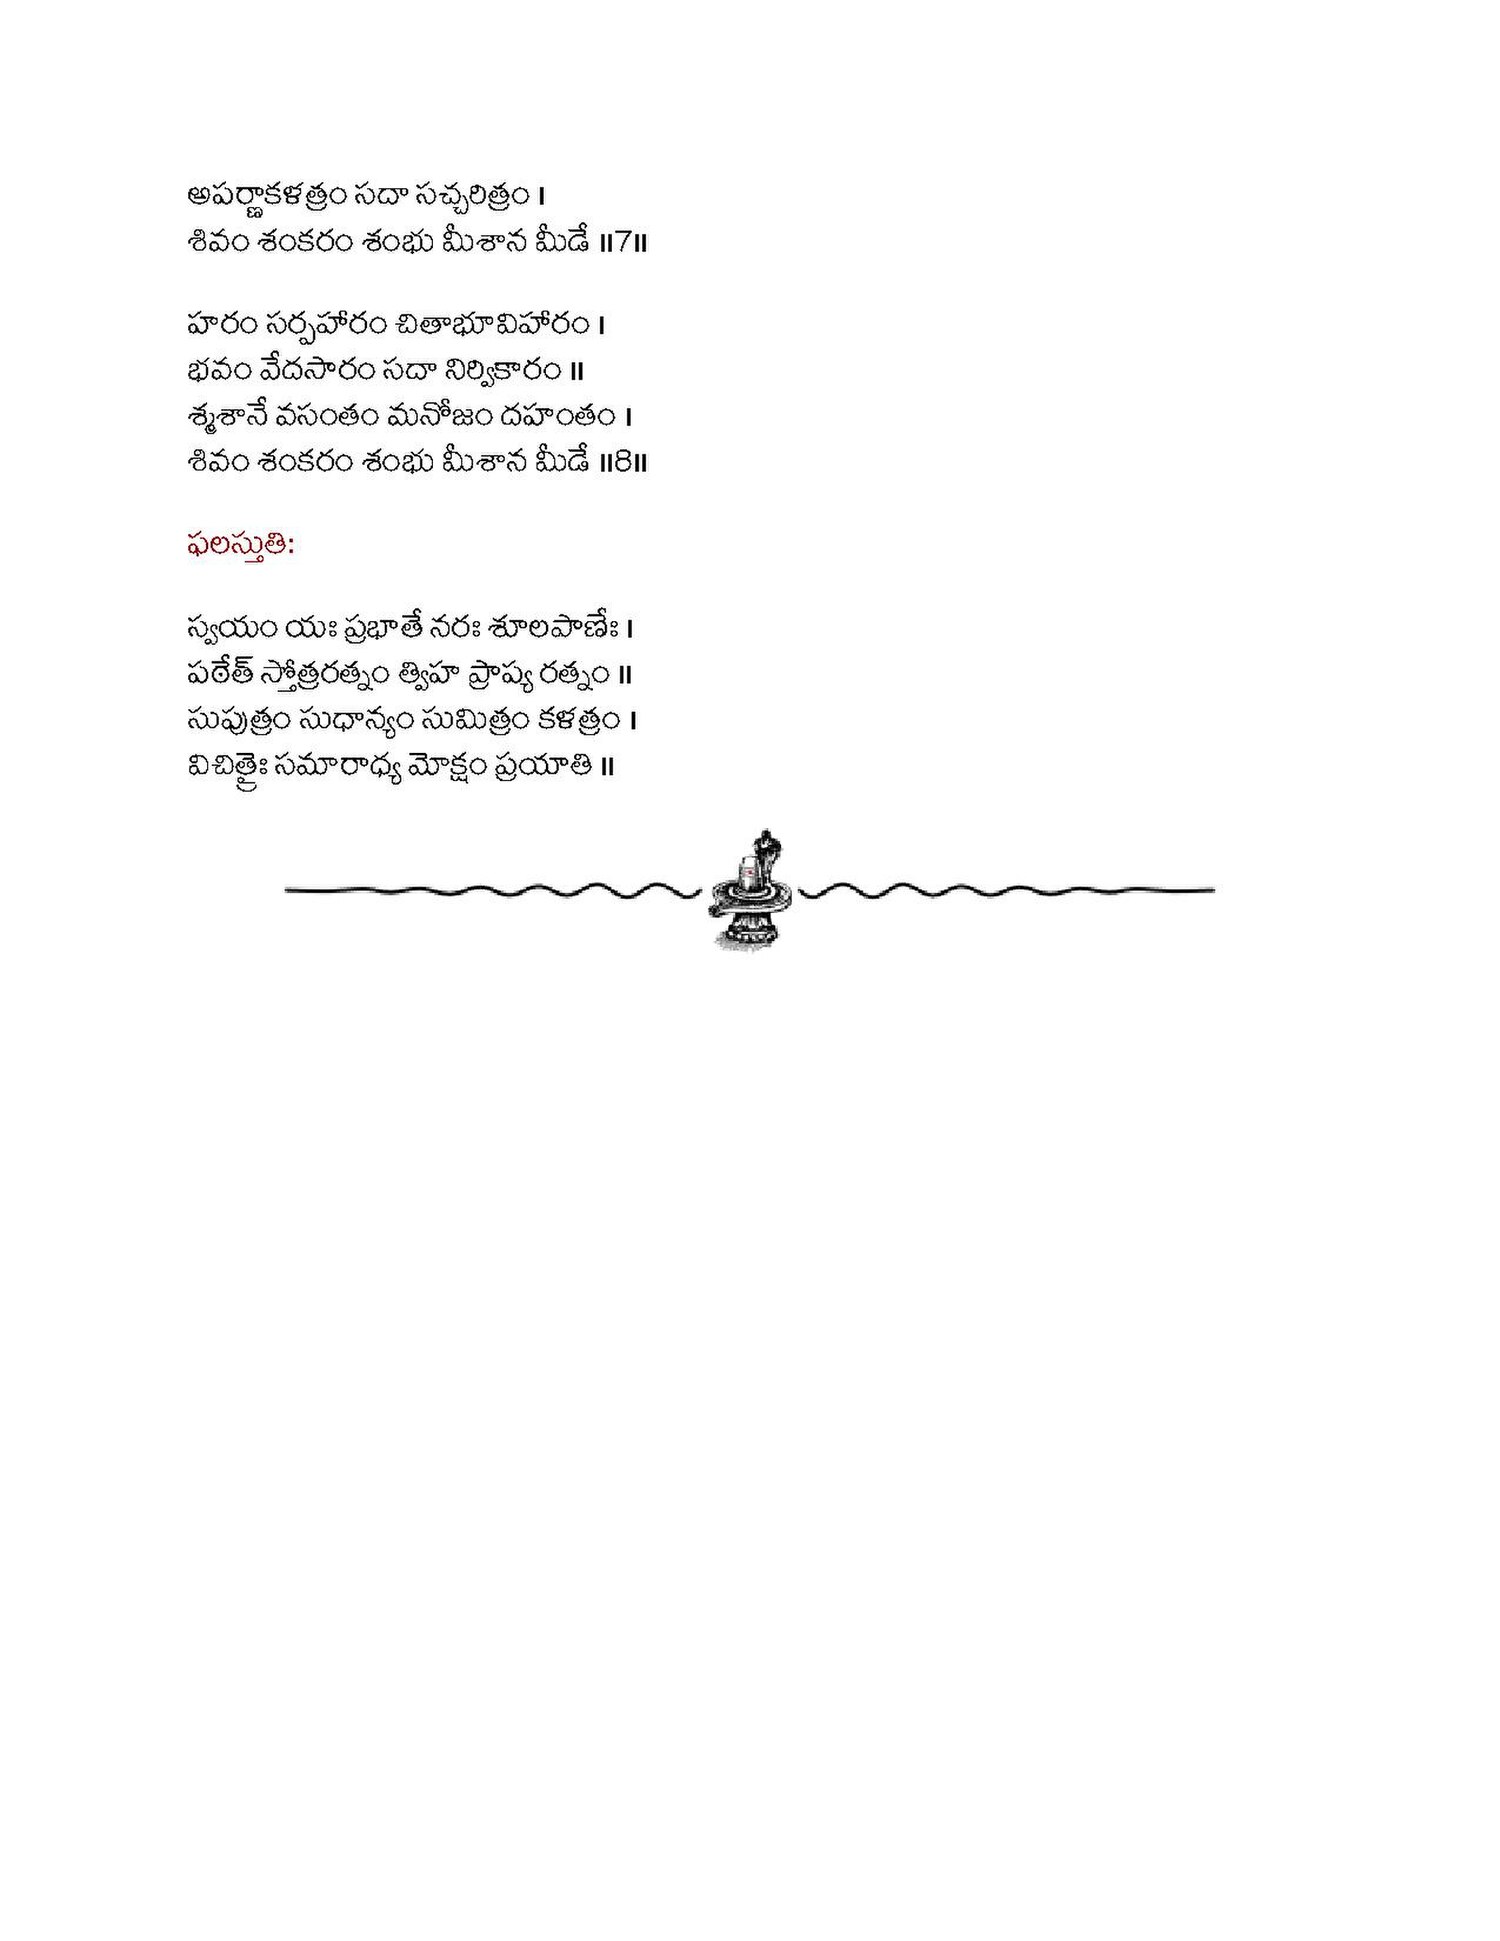అపర్ణాకళత్రం సదా సచ్చరిత్రం ।
శివం శంకరం శంభు మీశాన మీడే ॥7॥

హరం సర్పహారం చితాభూవిహారం ।
భవం వేదసారం సదా నిర్వికారం ॥
శ్మశానే వసంతం మనోజం దహంతం ।
శివం శంకరం శంభు మీశాన మీడే ॥8॥

ఫలస్తుతి:

స్వయం యః ప్రభాతే నరః శూలపాణేః ।
పఠేత్ స్తోత్రరత్నం త్విహ ప్రాప్య రత్నం ॥
సుపుత్రం సుధాన్యం సుమిత్రం కళత్రం ।
విచిత్రైః సమారాధ్య మోక్షం ప్రయాతి ॥